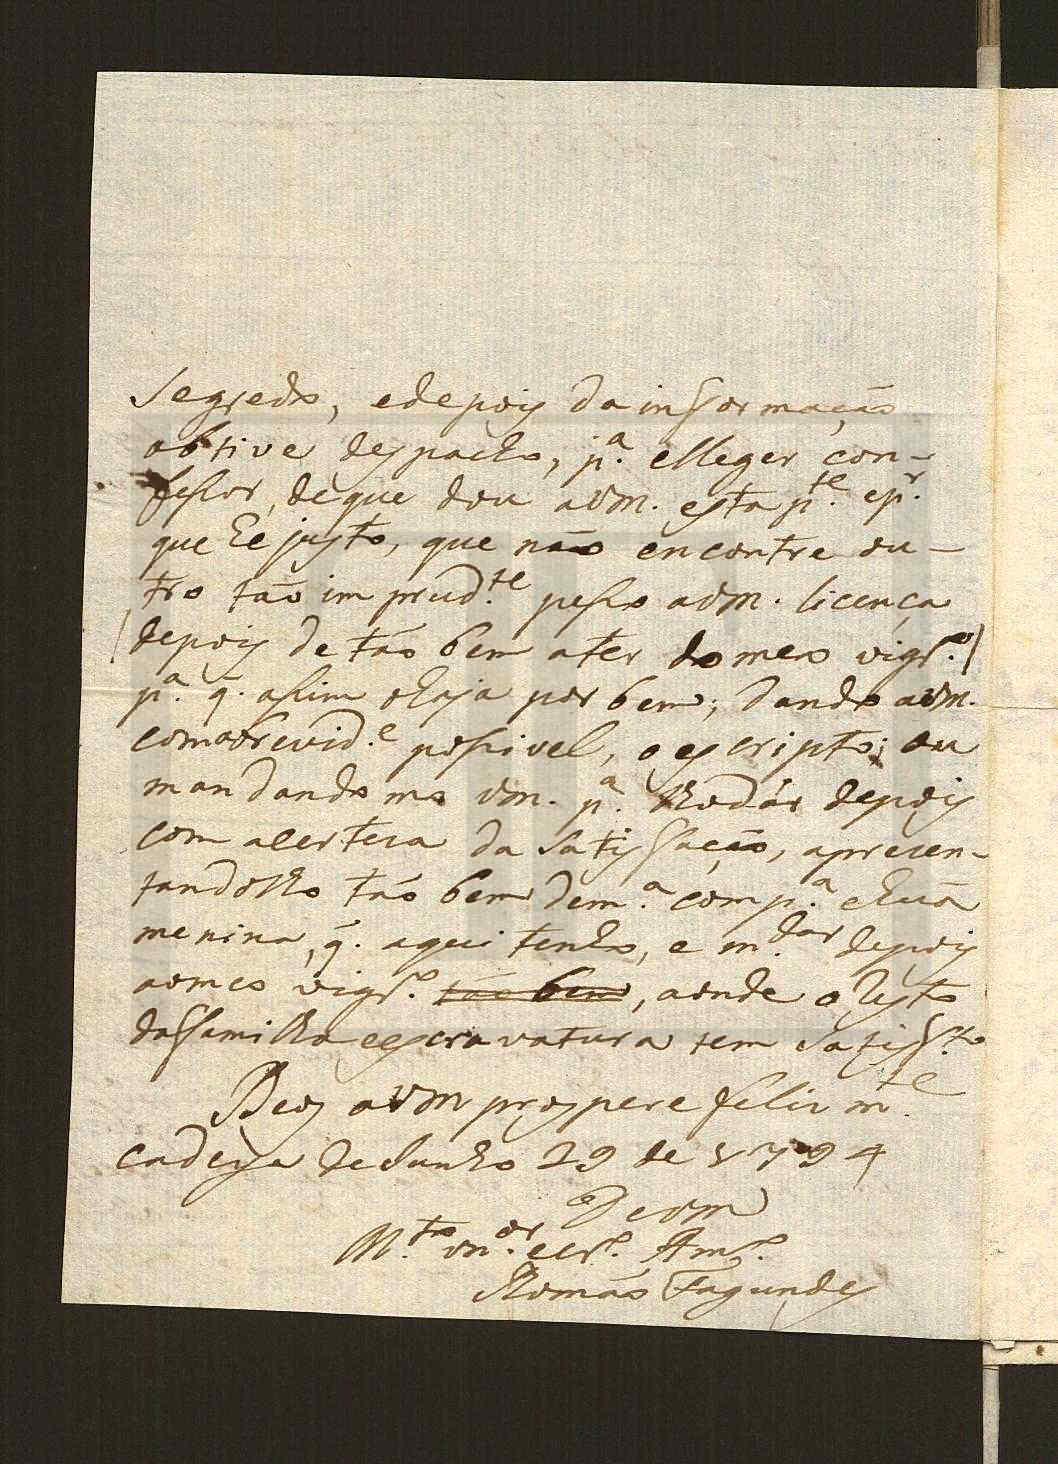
segredo, e depois da informação
obtive despacho, p.a elleger con
fessor, de que dou a vm. esta p.te e p.r
que he justo, que não encontre ou
tro tão imprudente peço a vm. licença
/ depois de tãobem a ter do meo vigr.o /
p.a q̄ assim o haja por bem; dando a vm.
com a brevid.e possivel, o escripto; ou
mandando mo vm. p.a lho dar depois
com a certeza da satisfação, aprezen
tando lho tão bem de m.a comp.a e huā
menina, q̄ aqui tenho, e m.dar depois
ao meo vigr.o
tãobem
, aonde o Resto
da familha e escravatura tem satisf.to
Deos a vm prospere felizm.te
cadeya de Iunho 29 de 1794
De vm
M.to vn.or e cr.o Am.o
Romão Fagundes
